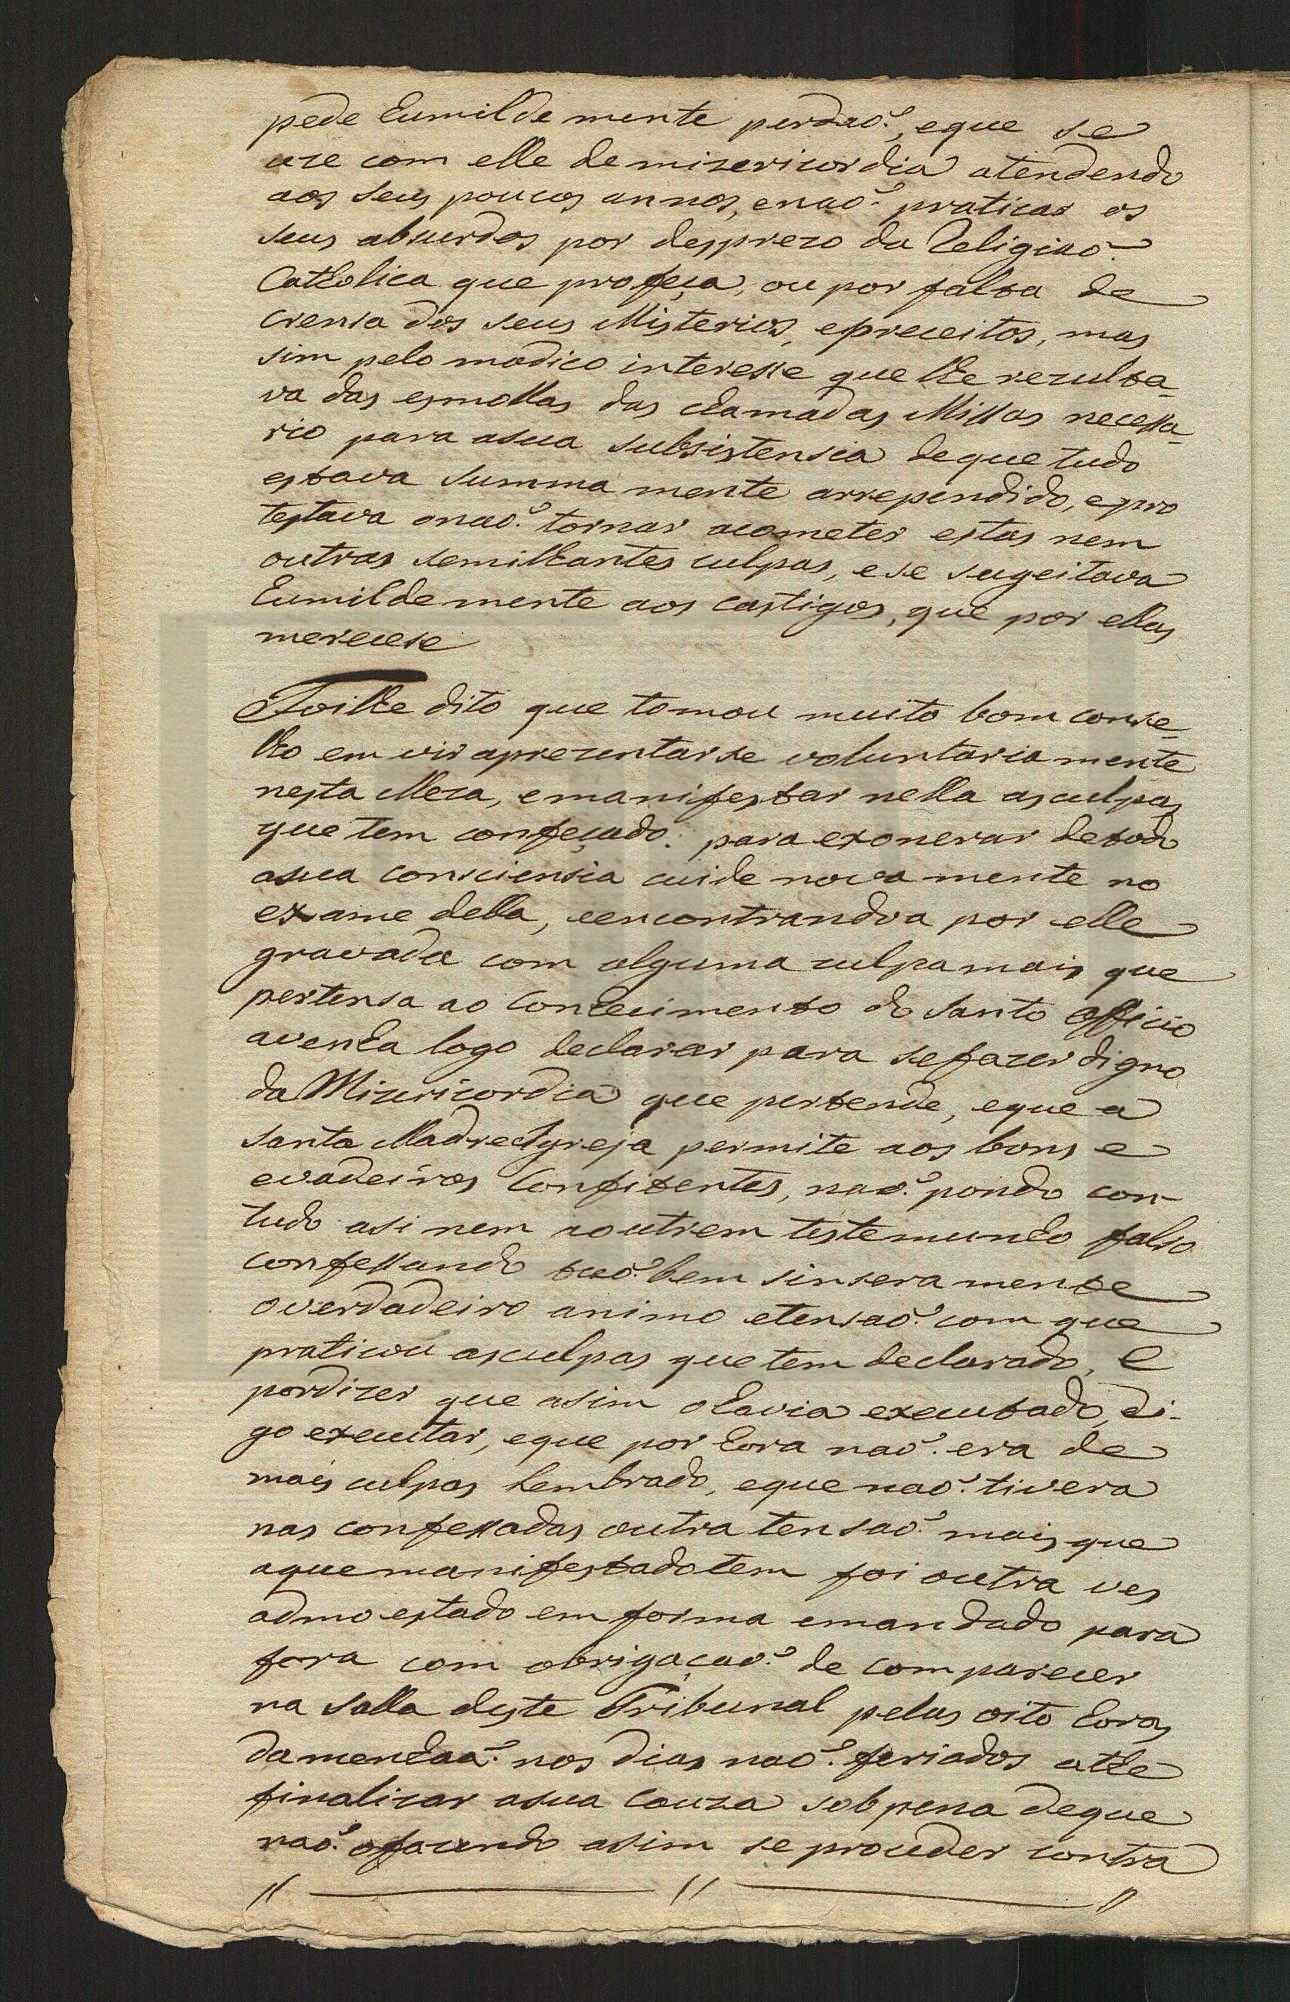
pede humildemente perdaõ, e que se
uze com elle de mizericordia atendendo
aos seus poucos annos, e naõ praticao os
seus absurdos por desprezo da Religiaõ
Catholica que profeça, ou por falta de
crensa dos seus Misterios, e preceitos, mas
sim pelo modico interesse que lhe rezulta
va das esmollas das chamadas Missas necessa
rio para a sua subsistensia de que tudo
estava summamente arrependido, e pro
testava o naõ tornar a cometer estas nem
outras semilhantes culpas, e se sugeitava
humildemente aos castigos, que por ellas
merecese
Foilhe dito que tomou muito bom conse
lho em vir aprezentarse voluntariamente
nesta Meza, e manifestar nella as culpas
que tem confeçado. para exonerar de todo
a sua consciencia cuide novamente no
exame della, e encontrandoa por elle
gravada com alguma culpa mais que
pertensa ao conhecimento do santo officio
a venha logo declarar para se fazer digno
da Mizericordia que pertende, e que a
santa Madre Igreja permite aos bons e
e vadeiros confitentes, naõ pondo con
tudo a si nem a outrem testemunho falso
confessando taõbem sinseramente
o verdadeiro animo e tensaõ com que
praticou as culpas que tem declarado, e
por dizer que asim o havia executado di
go executar, e que por hora naõ era de
mais culpas Lembrado, e que naõ tivera
nas confessadas outra tensaõ mais que
a que manifestado tem foi outra ves
admoestado em forma e mandado para
fora com obrigaçaõ de comparecer
na salla deste Tribunal pelas oito horas
da menhaã nos dias naõ feriados athe
finalizar a sua cauza sob pena de que
naõ o fazendo asim se proceder contra
